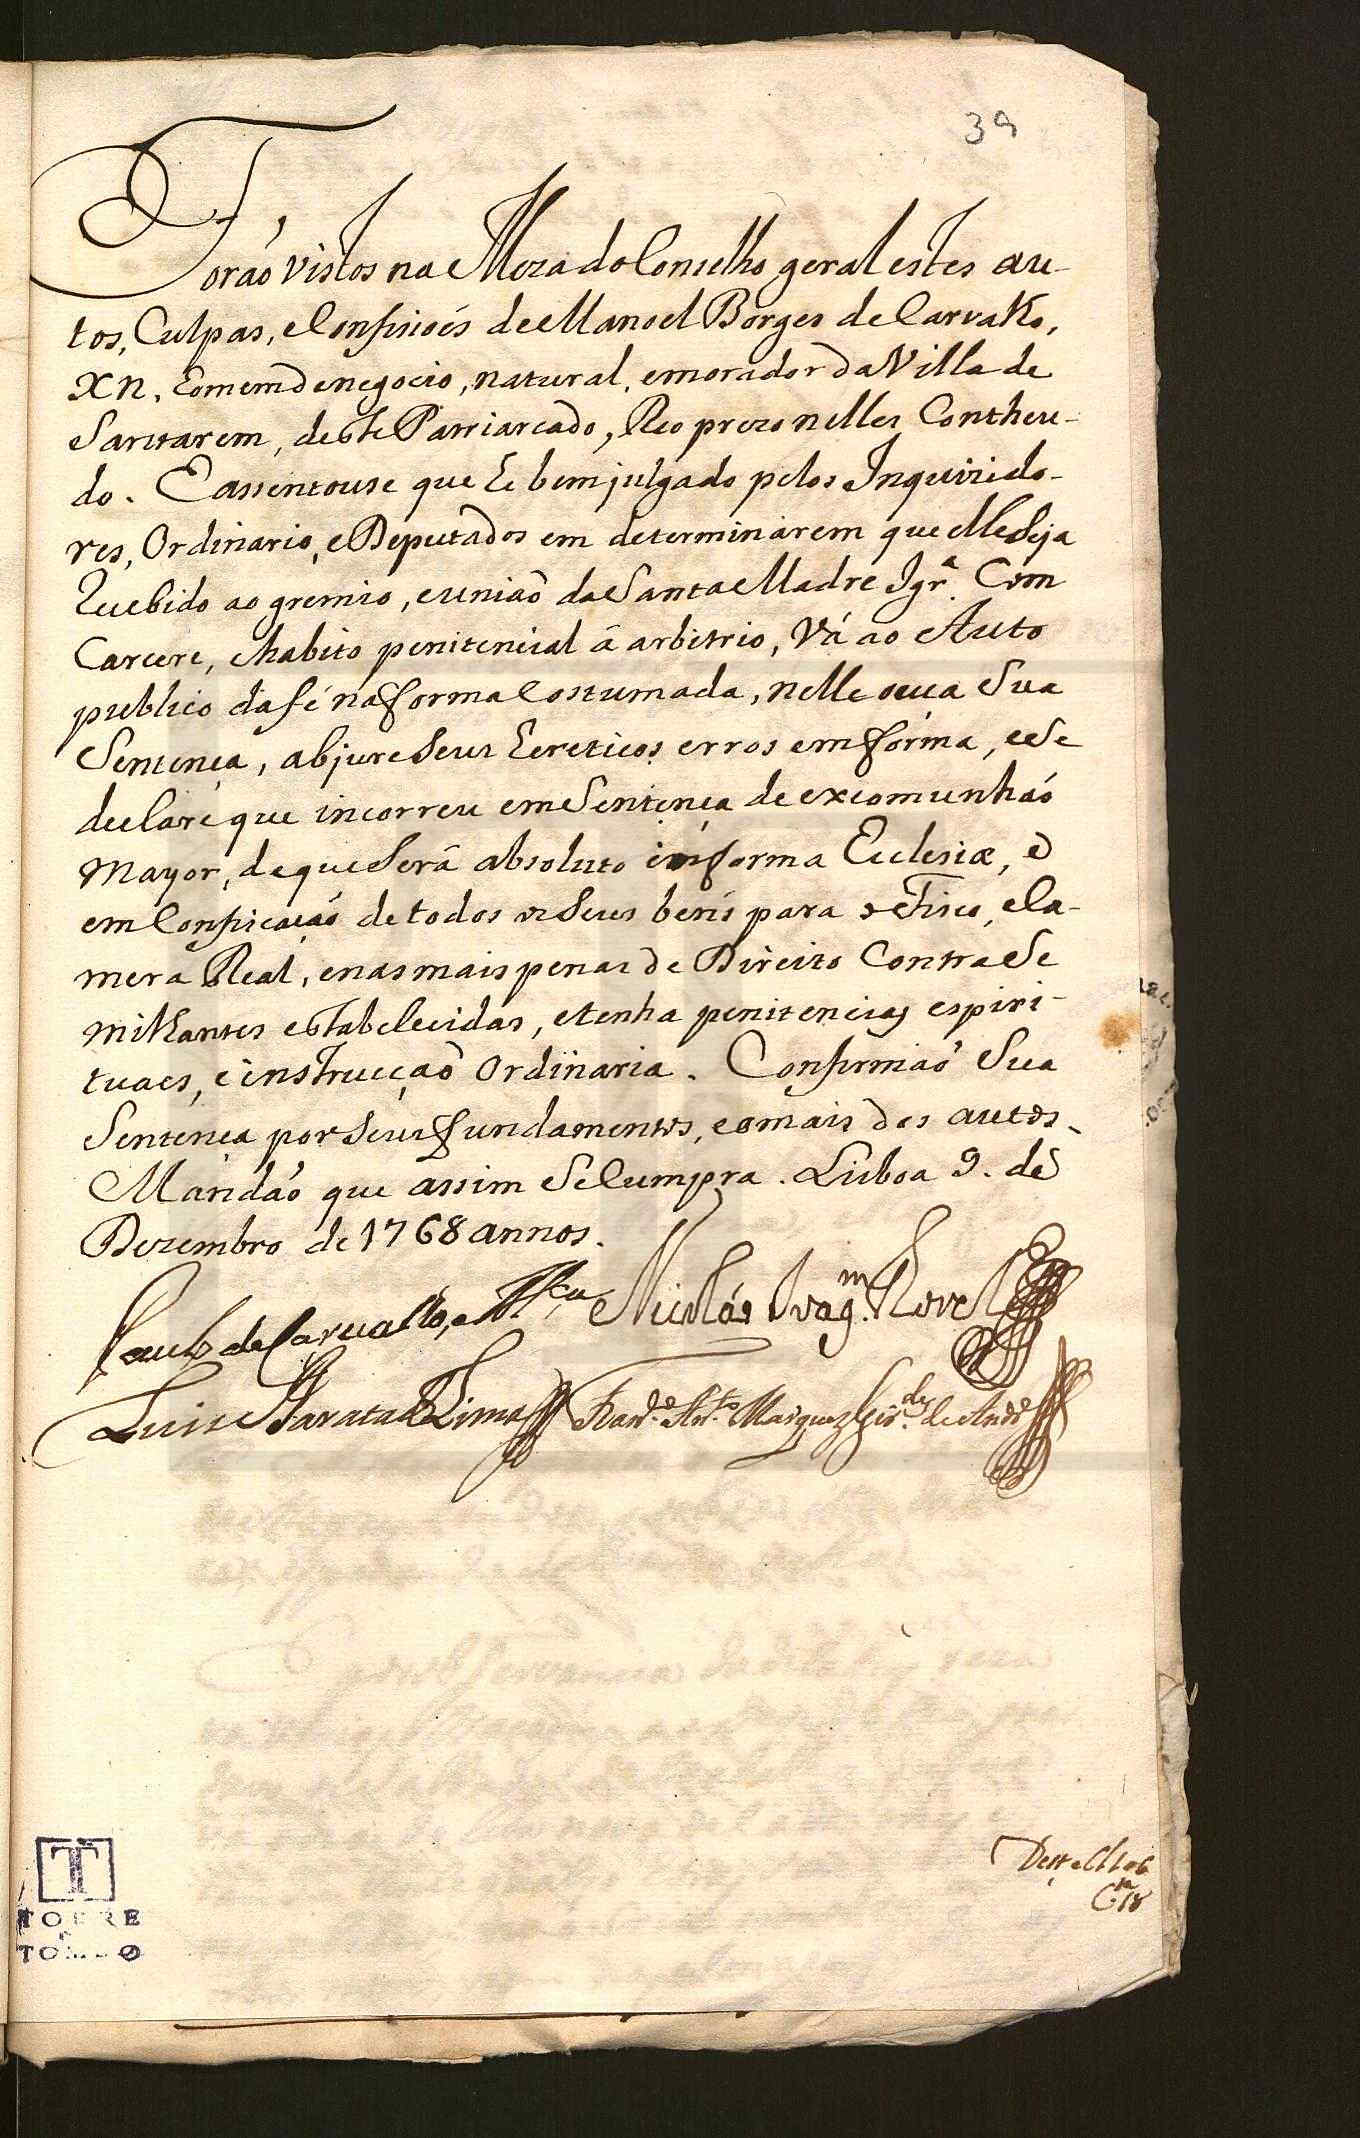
Foraõ vistos na Meza do Conselho geral estes au
tos, Culpas, e Confissoẽs de Manoel Borges de Carvalho,
x n, homem de negocio, natural, e morador da Villa de
Santarem deste Patriarcado, Reo prezo nelles Contheu
do. E assentouse que he bem julgado pelos Inquizido
res, Ordinario, e Deputados em determinarem que elle Seja
Recebido ao gremio, e uniaõ da Santa Madre Igr.a Com
Carcere, e habito penitencial á arbitrio, Vá ao Auto
publico da fé na forma costumada, nelle ouça Sua
Sentença, abjure Seus hereticos erros em forma, e se
declare que incorreu em Sentença de excomunhaõ
Mayor, de que Será absoluto in forma Ecclesiæ, e
em Confiscaçaõ de todos os Seus bens para o Fisco, e Ca
mera Real, e nas mais penas de Direito contra Se
milhantes estabelecidas, e tenha penitencias espiri
tuaes, e instrucção ordinaria. Confirmaõ Sua
Sentença por seus fundamentos, e o mais dos autos.
Mandaõ que assim Se Cumpra. Lisboa 9. de
Dezembro de 1768 annos.
Paulo de Carualho, e Alça Nicoláo Ioaqm Thorel
Paulo de Carualho, e Alça Nicoláo Ioaqm Thorel
Luis Barata d̄ Lima
Fran.co Ant.o Marquez Gir.des de Andre
Deste cl 106
C.ta 18
